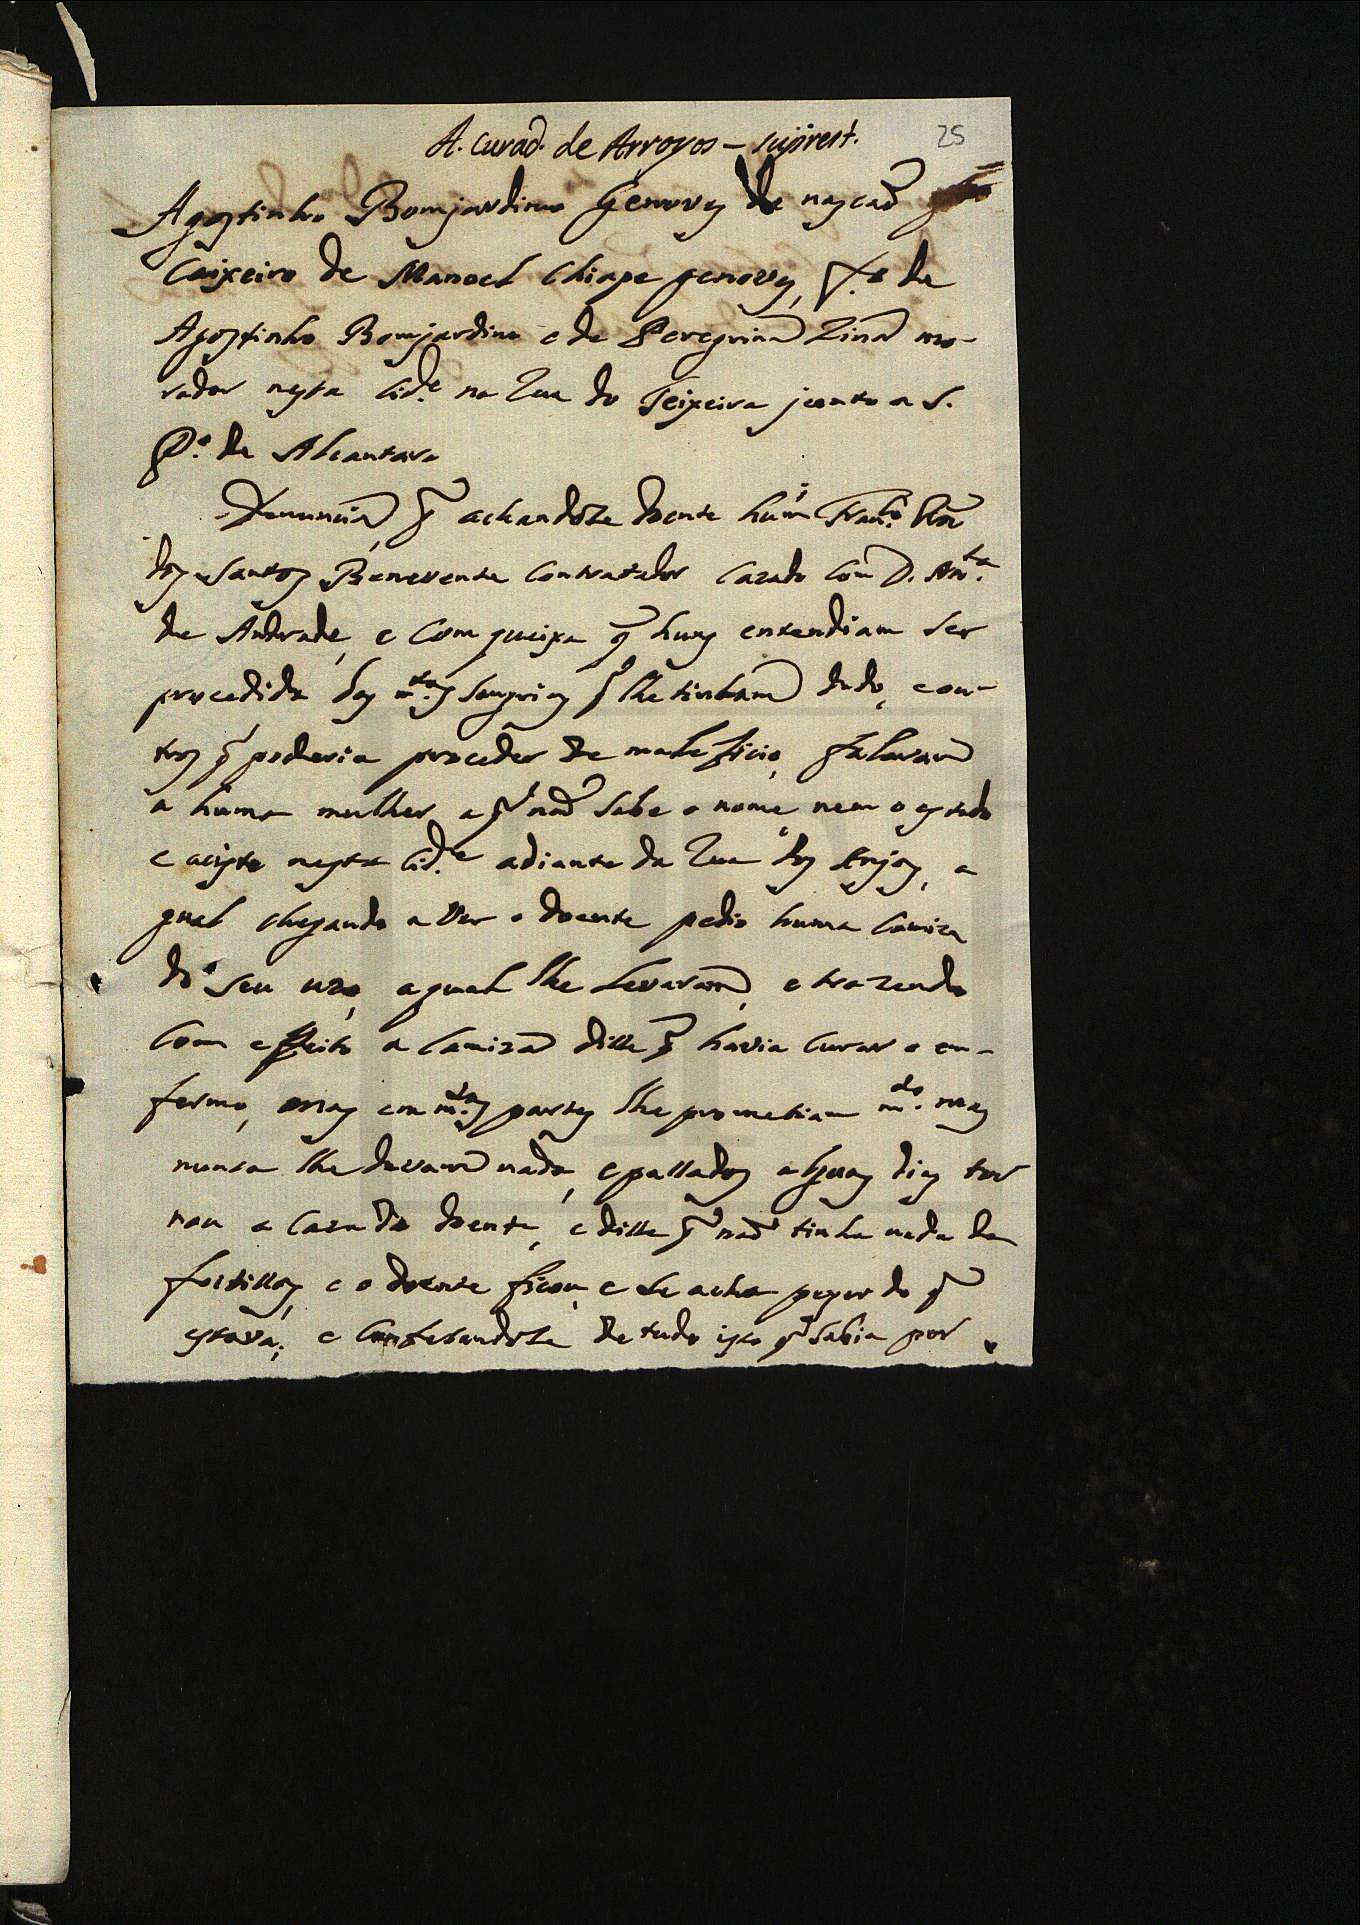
A. curad. de Arroyos = suprest.
Agostinho Bomjardino Genoves de nascaõ
caixeiro de Manoel Chiape genoves, f.o de
Agostinho Bomjardino e de Peregrina Zina mo
rador nesta Cid.e na Rua do Teixeira junto a S.
P.o de Alcantara
Dennuncia q̄ achandoze doente hum Fran.co Roz̄
dos Santos Benevente Contratador Cazado Com D. An.ta
de Andrade, e com queixa q̄ huns entendiam ser
procedida das m.tas sangrias q̄ lhe tinham dado, e ou
tros q̄ poderia proceder de maleficio, falaram
a huma mulher a q̄ naõ sabe o nome, nem o estado
e aciste nesta Cid.e adiante da Rua dos Anjos a
qual chegando a ver o doente pedio huma Camiza
do seu uzo, a qual lhe Levaram, e trazendo
Com effeito a Camiza disse q̄ havia curar o en
fermo, mas em m.tas partes lhe prometiam m.to mas
nunca lhe davam nada, e passados alguas dias tor
nou a Caza do doente e disse q̄ naõ tinha nada de
feiticos, e o doente ficou, e se achou peyor do q̄
estava; e confesandoze de tudo isto q̄ sabia por
